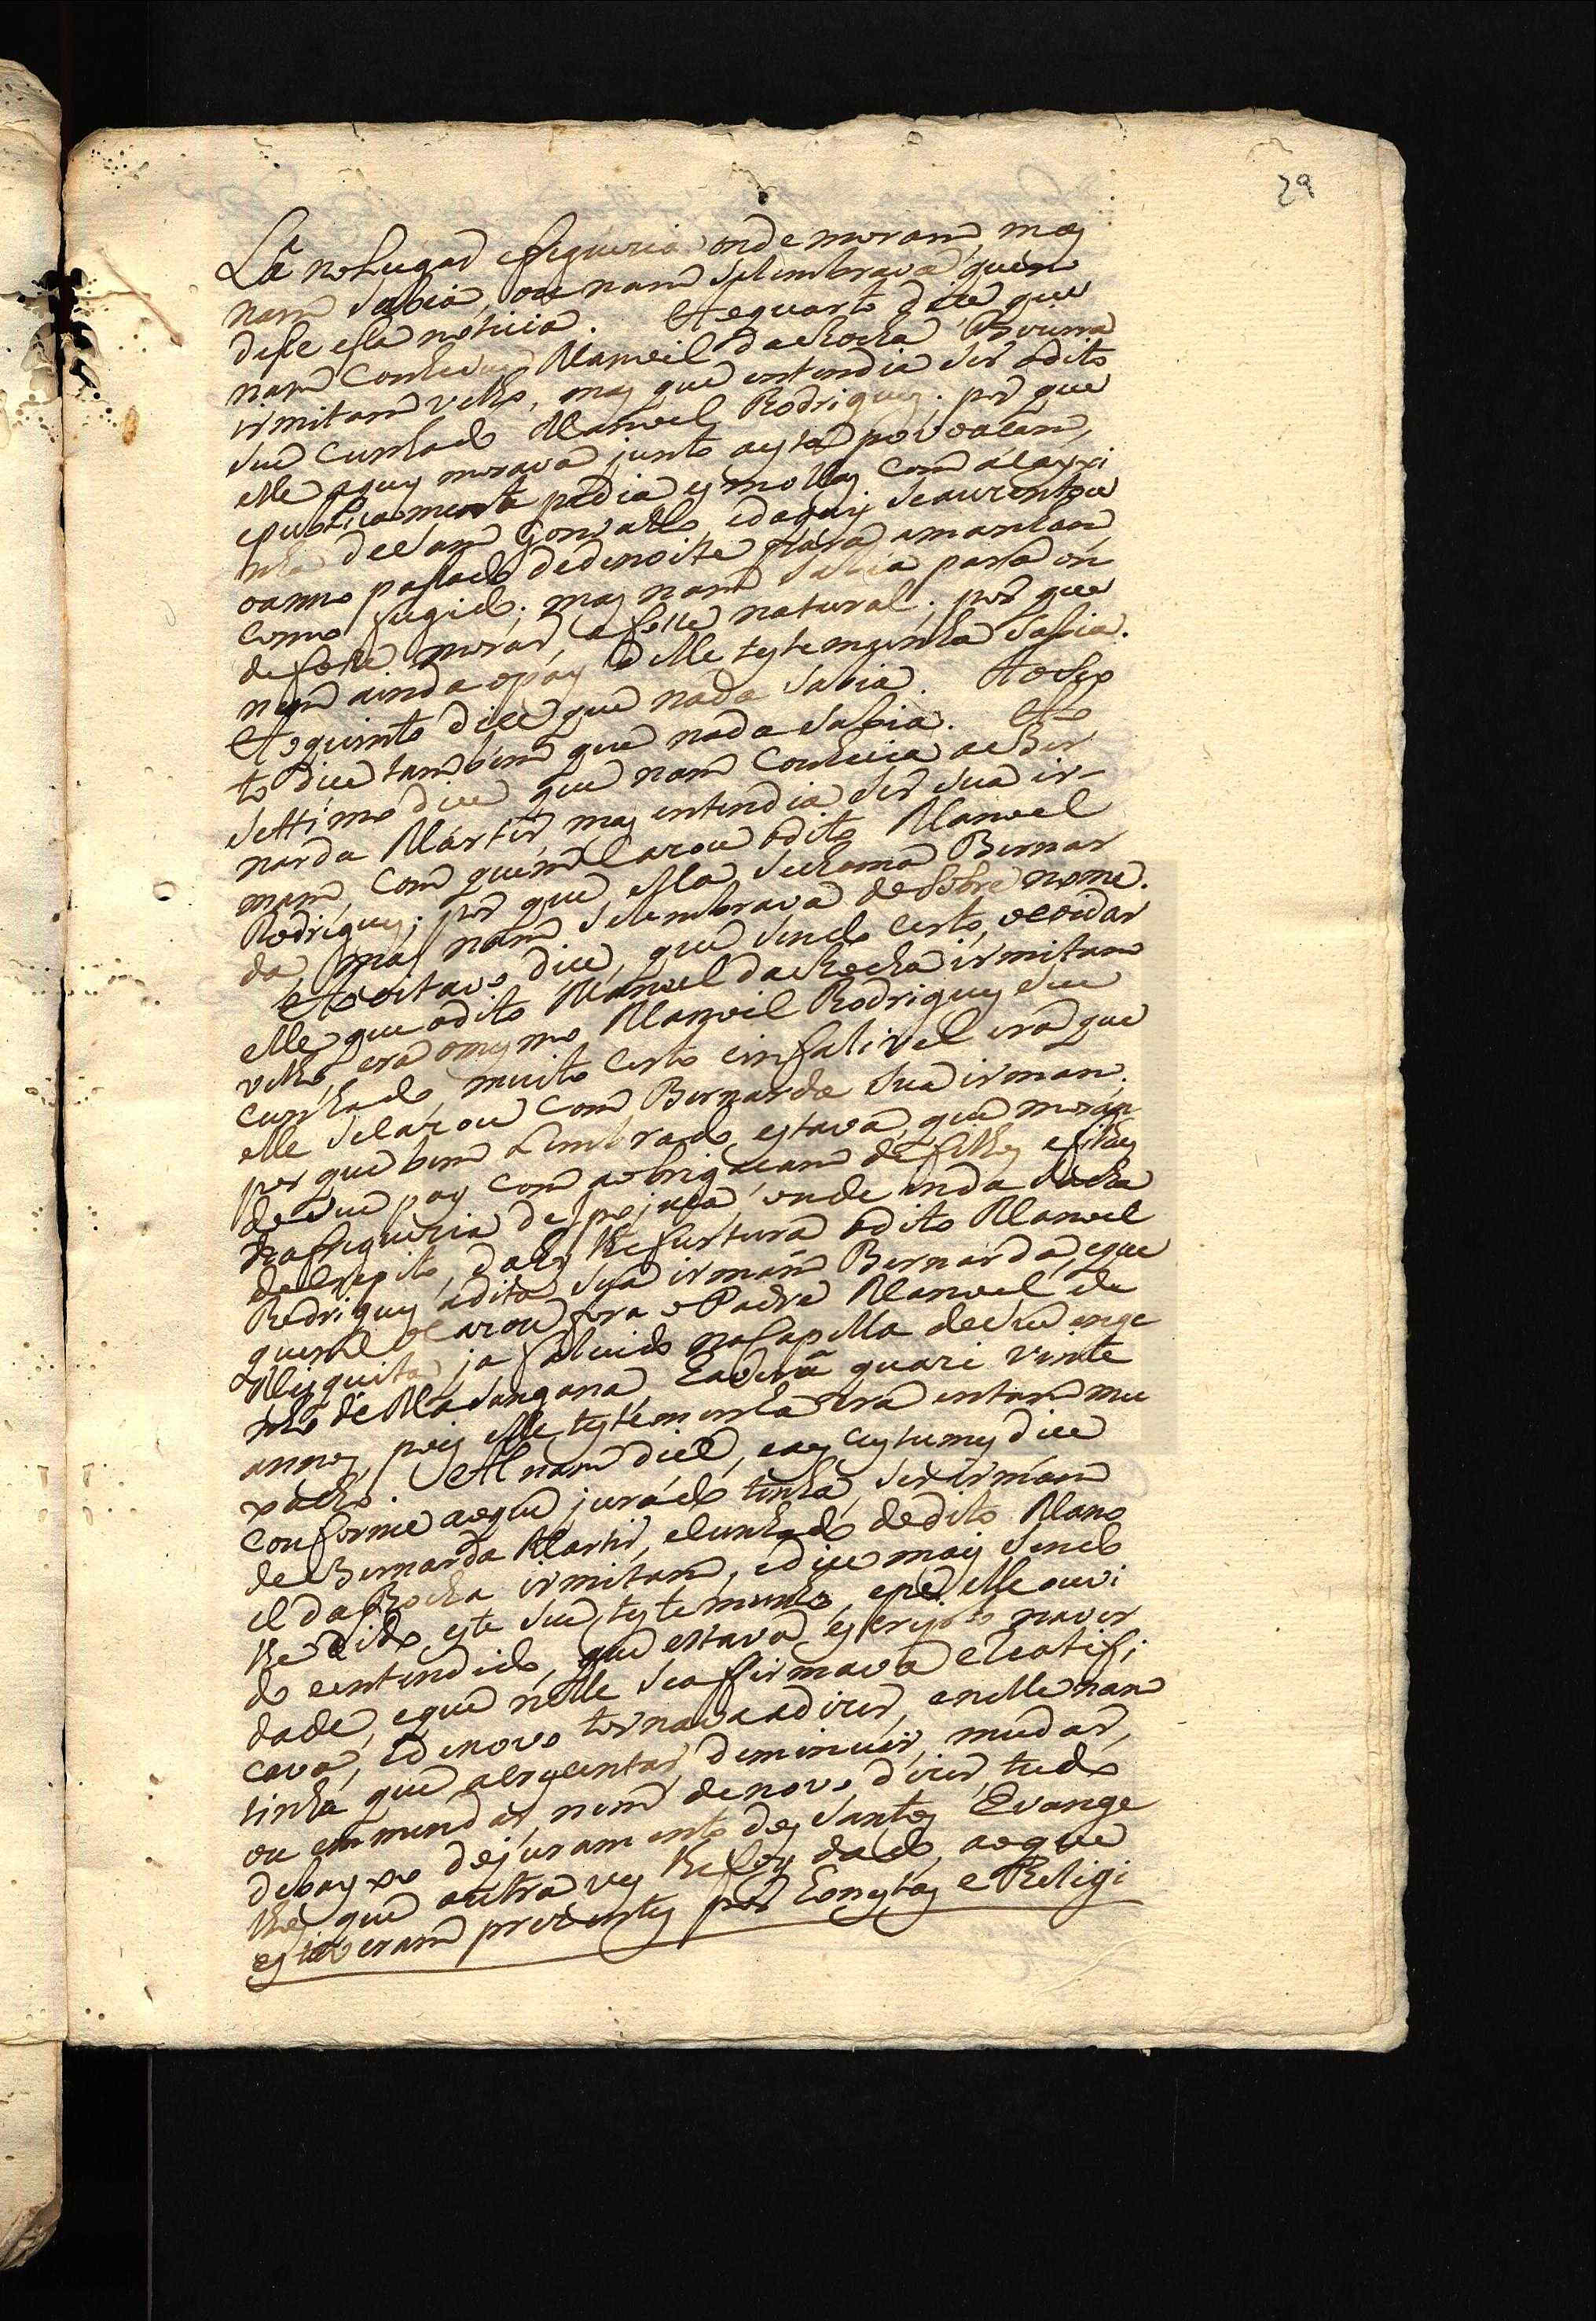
Lá no Lugar e freguezia onde moram, mas
nam sabia, ou nam se lembrava quem
disse esta noticia. Ao quarto diçe que
nam Conhescia Manoel da Rocha Bezerra
irmitam velho, mas que entendia ser o dito
seu cunhado Manoel Rodriguez; por que
elle aquy morava junto a esta povoaçam,
e pubLicamente pedia esmollas com a cayxi
nha de Sam gonsallo e daquy se azuentou
o anno pasado de de noite para a manhan,
como fugido; mas nam sabia para on
de fosse morar, e fosse natural; por que
nem ainda o pay delle testemunha sabia.
Ao quinto dice que nada sabia. Ao Sex
to diçe também que nada sabia. Ao
settimo dice que nam conhecia a Ber
narda Mártir, mas entendia ser sua ir
mam, com quem cazou o dito Manoel
Rodrigues; porque ella se chama Bernar
da, mas nam se Lembrava do sobrenome.
Ao oitavo dice, que sendo certo, ovidar
elle que o dito Manoel da Rocha irmitam
velho, era o mesmo Manoel Rodrigues seu
cunhado, muito certo e infalivel era que
elle se cazou com Bernarda Sua irmam;
por que bem Lembrado estava, que moran
do seu pay com a obrigaçam de filhos e filhas
na freguezia de Ipojuca, onde inda seacha
deCrepito, dahy lhe furtara o dito Manoel
Rodrigues a dita sua irmam Bernarda, e que
quem o cazou fora Padre Manoel de
Misquita ja falecido na Capella de seu enge
nho de Masangona, haverã quazi vinte
annos, pois elle testemunha era entam mu
xacho. Al nam diçe, e aos custumes diçe
conforme ao que jurado tinha, ser irmam
de Bernarda Martir, e cunhado do dito Mano
el da Rocha irmitam, dice mais sendo
lhe Lido este seu testemunho, e por elle ouvi
do e intendido, que estava escripto na ver
dade, e que nelle se afirmava e Reatifi
cava, e de novo tornava a dizer, e nelle nam
tinha que acrescentar, deminuir, mudar,
ou emmendar, nem de novo dizer, tudo
debayxo do juramento dos santos Evange
lhos que outra ves lhe foy dado, ao que
estiveram prezentes por honestas e Religi
